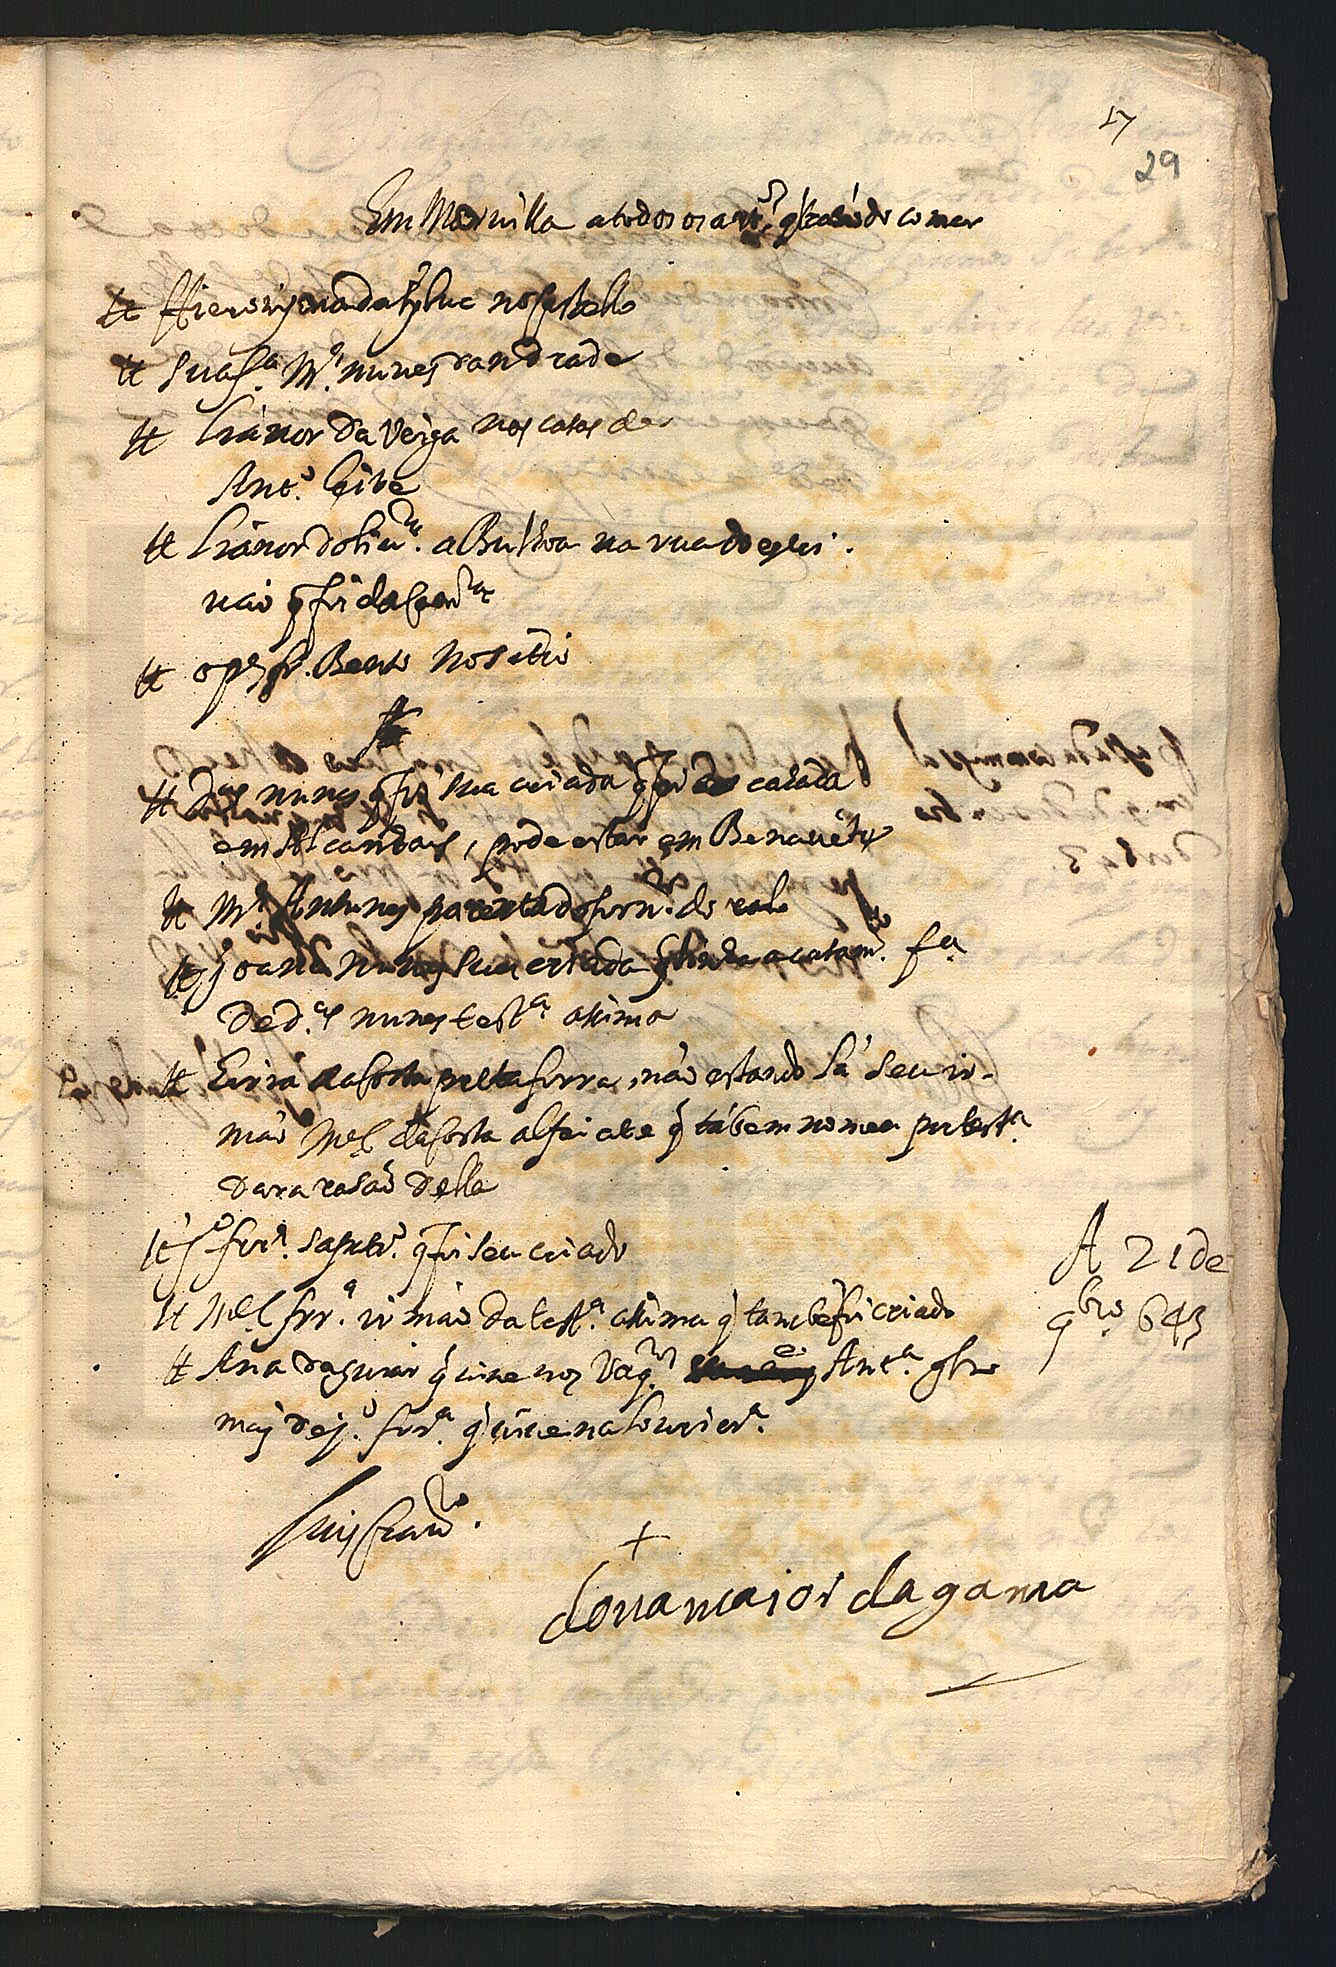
Em Maruilla a todos os art.os q̄ trataõ do comer
Item Hieronyma da Sylua no Castello
Item Sua f.a M.a Nunes dandrade
Item lianor da Veiga nas casas de
Ant.o leite
Item Lianor doliu.ra. a Bulhoa na rua do escri
uaõ q̄ foi da Cam.ra
Item o pe fr. Bento no Set̄io
t.a
Item D.as nunes q̄ foi sua criada q̄ foi _ casada
em Alcanhais, pode estar em Benauēto
Item M.a Antunes parenta do forn.ro do cal
Item joana nunes sua criada q̄ tinha a casam.to f.a
de d.as nunes tes.ta assima
Item Eriza da Costa preta forra, naõ estando lá seu ir
mão Mel da Costa alfaiate q̄ tābem nomea por test.a
Dar a rasaõ dela
he jo fer.a sapat.ro. q̄ foi seu criado
Item M.el frr.a irmaõ da test.a assima q̄ tambē foi criado
Item Ana daguiar q̄ esta nos Vaq.ros e Ant.a glz
maj de j.o frr.a q̄ esta na Lourier.a
Luis fran.co
dona maior da gama
17
A 21 de
9.bro 643
